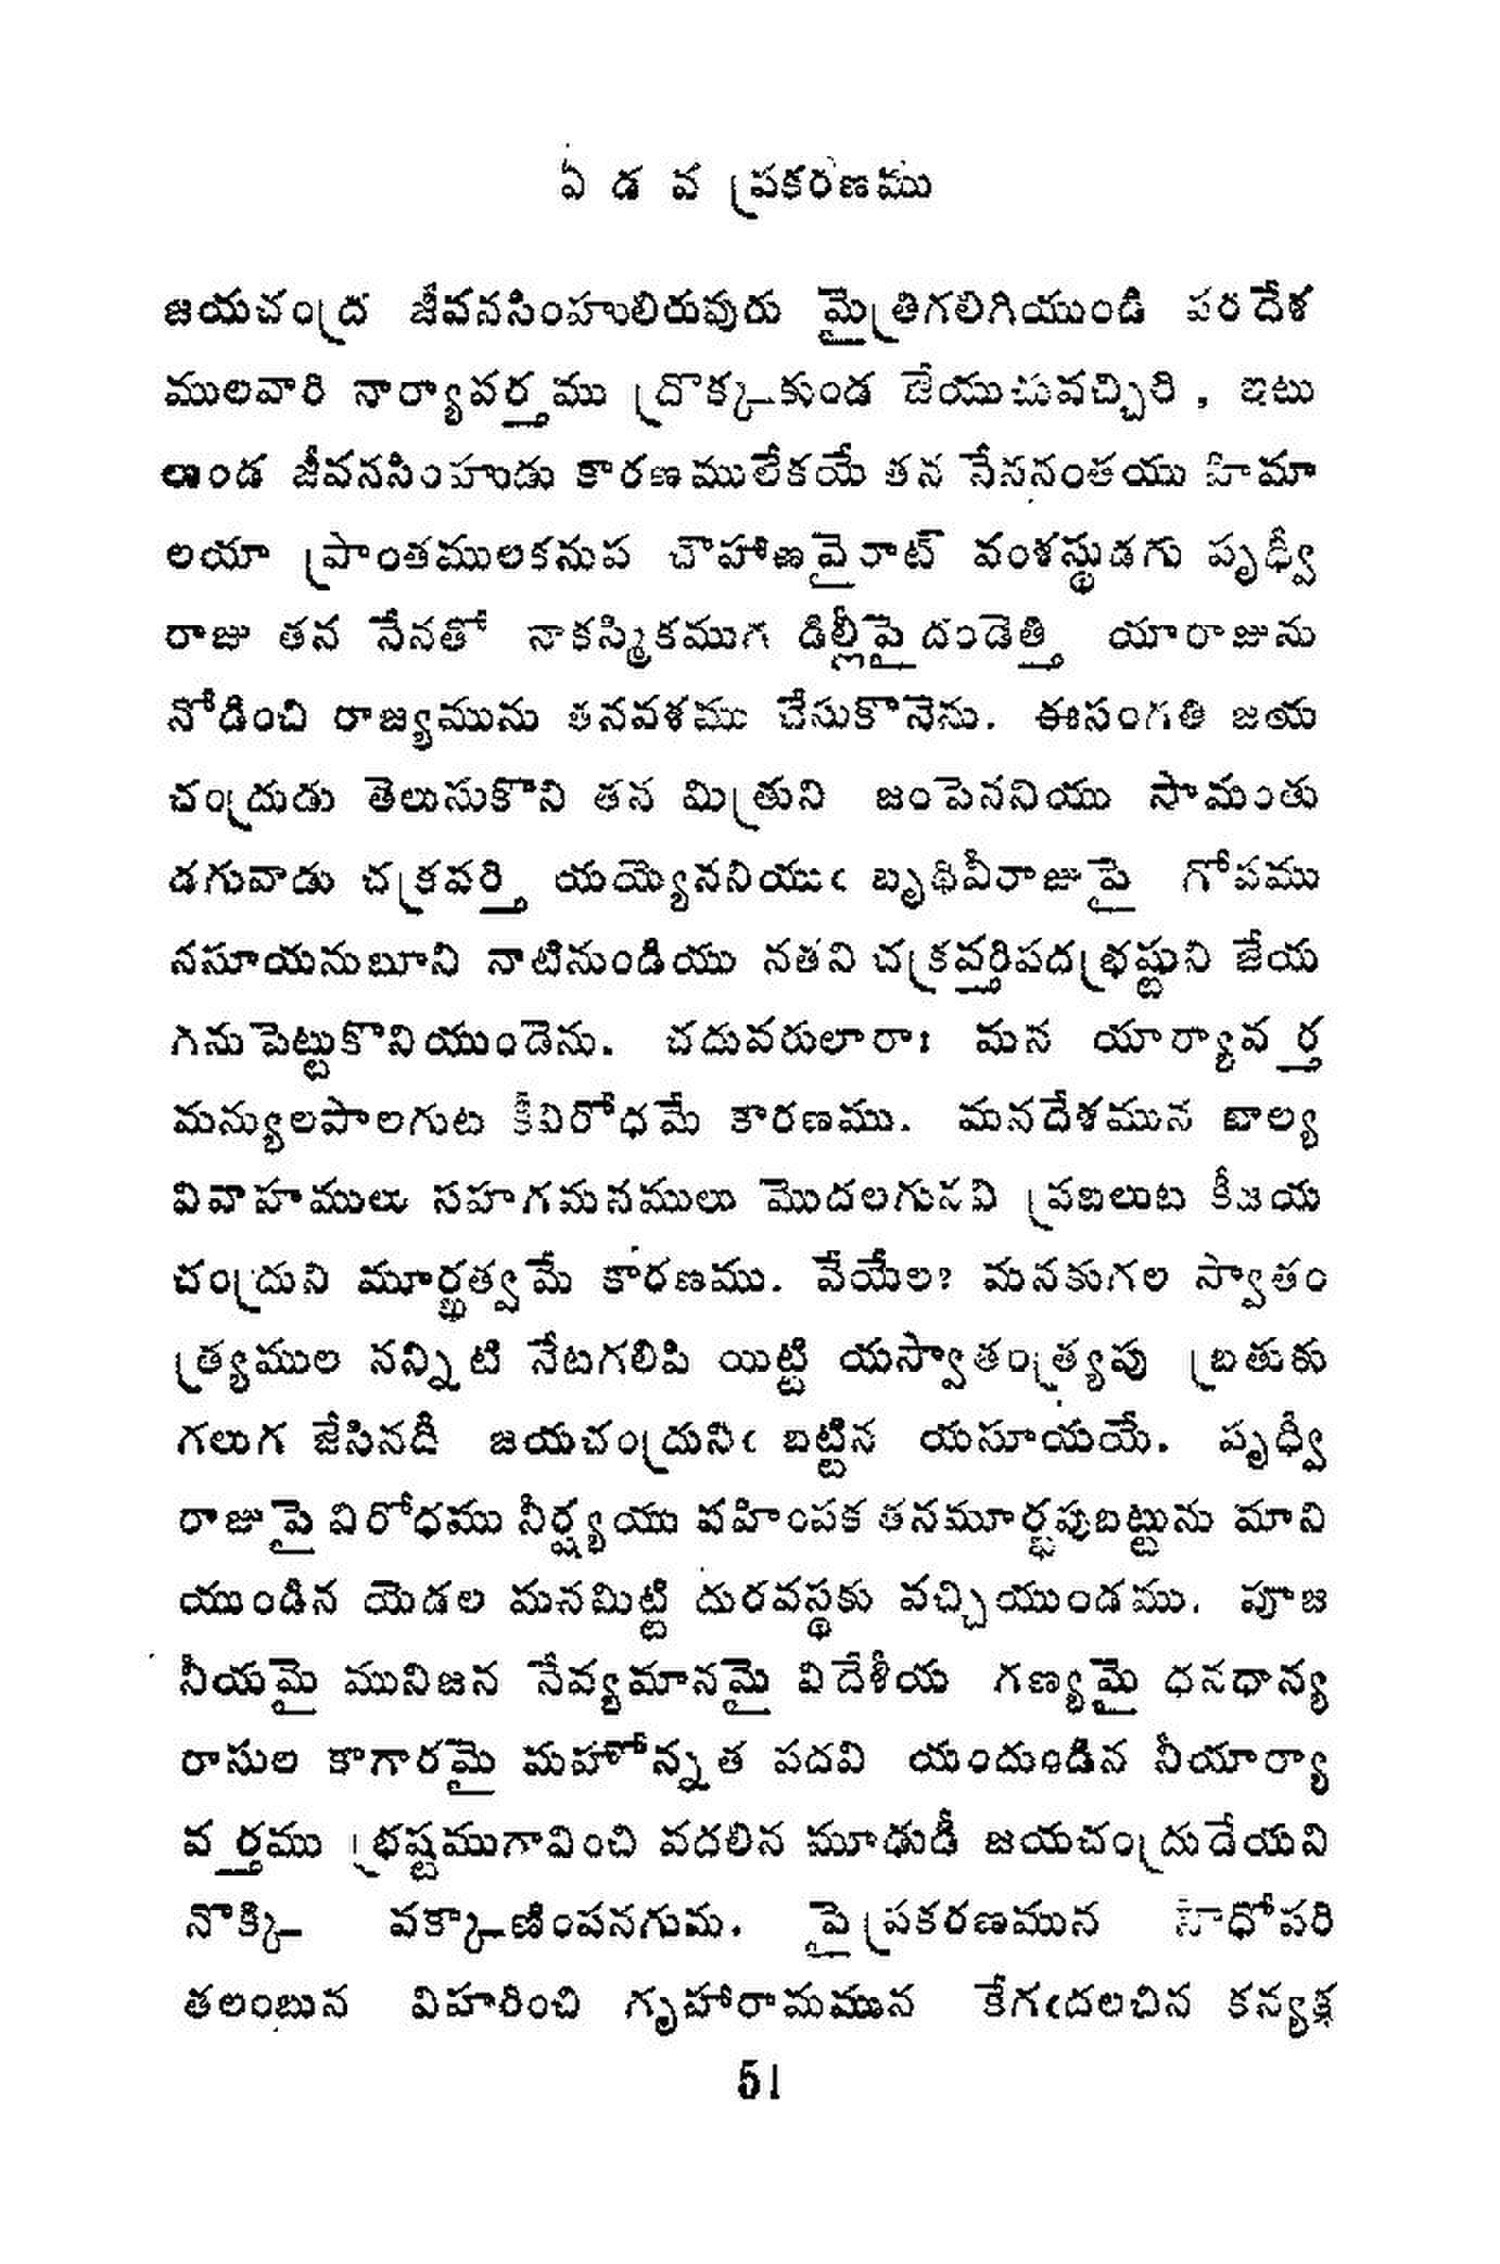జయచంద్ర జీవనసింహులిరువురు మైత్రిగలిగియుండి పరదేశములవారి నార్యావర్తము ద్రొక్కకుండ జేయుచువచ్చిరి. ఇటులుండ జీవనసింహుడు కారణములేకయే తన సేననంతయు హిమాలయా ప్రాంతములకనుప చౌహాణవైరాట్ వంశస్థుడగు పృథ్వీరాజు తన సేనతో నాకస్మికముగ డిల్లీపై దండెత్తి యారాజును నోడించి రాజ్యమును తనవశము చేసుకొనెను. ఈసంగతి జయచంద్రుడు తెలుసుకొని తన మిత్రుని జంపెననియు సామంతు డగువాడు చక్రవర్తి యయ్యెననియుఁ బృథివీరాజుపై గోపము నసూయనుబూని నాటినుండియు నతని చక్రవర్తిపదభ్రష్టుని జేయ గనుపెట్టుకొనియుండెను. చదువరులారా! మన యార్యావర్త మన్యులపాలగుట కివిరోధమే కారణము. మనదేశమున బాల్య వివాహములు సహగమనములు మొదలగునవి ప్రబలుట కీజయచంద్రుని మూర్ఖత్వమే కారణము. వేయేల? మనకుగల స్వాతంత్ర్యముల నన్నిటి నేటగలిపి యిట్టి యస్వాతంత్ర్యపు బ్రతుకు గలుగ జేసినదీ జయచంద్రునిఁ బట్టిన యసూయయే. పృధ్వీరాజుపై విరోధము నీర్ష్యయు వహింపక తనమూర్ఖపుబట్టును మానియుండిన యెడల మనమిట్టి దురవస్థకు వచ్చి యుండము. పూజనీయమై మునిజన నేవ్యమానమై విదేశీయ గణ్యమై ధనధాన్యరాసుల కాగారమై మహోన్నత పదవి యందుండిన నీయార్యావర్తము భ్రష్టముగావించి వదలిన మూడుడీ జయచంద్రుడేయని నొక్కి వక్కాణింపనగుమ. పై ప్రకరణమున సాధోపరి తలంబున విహరించి గృహారామమున కేగఁదలచిన కన్యక